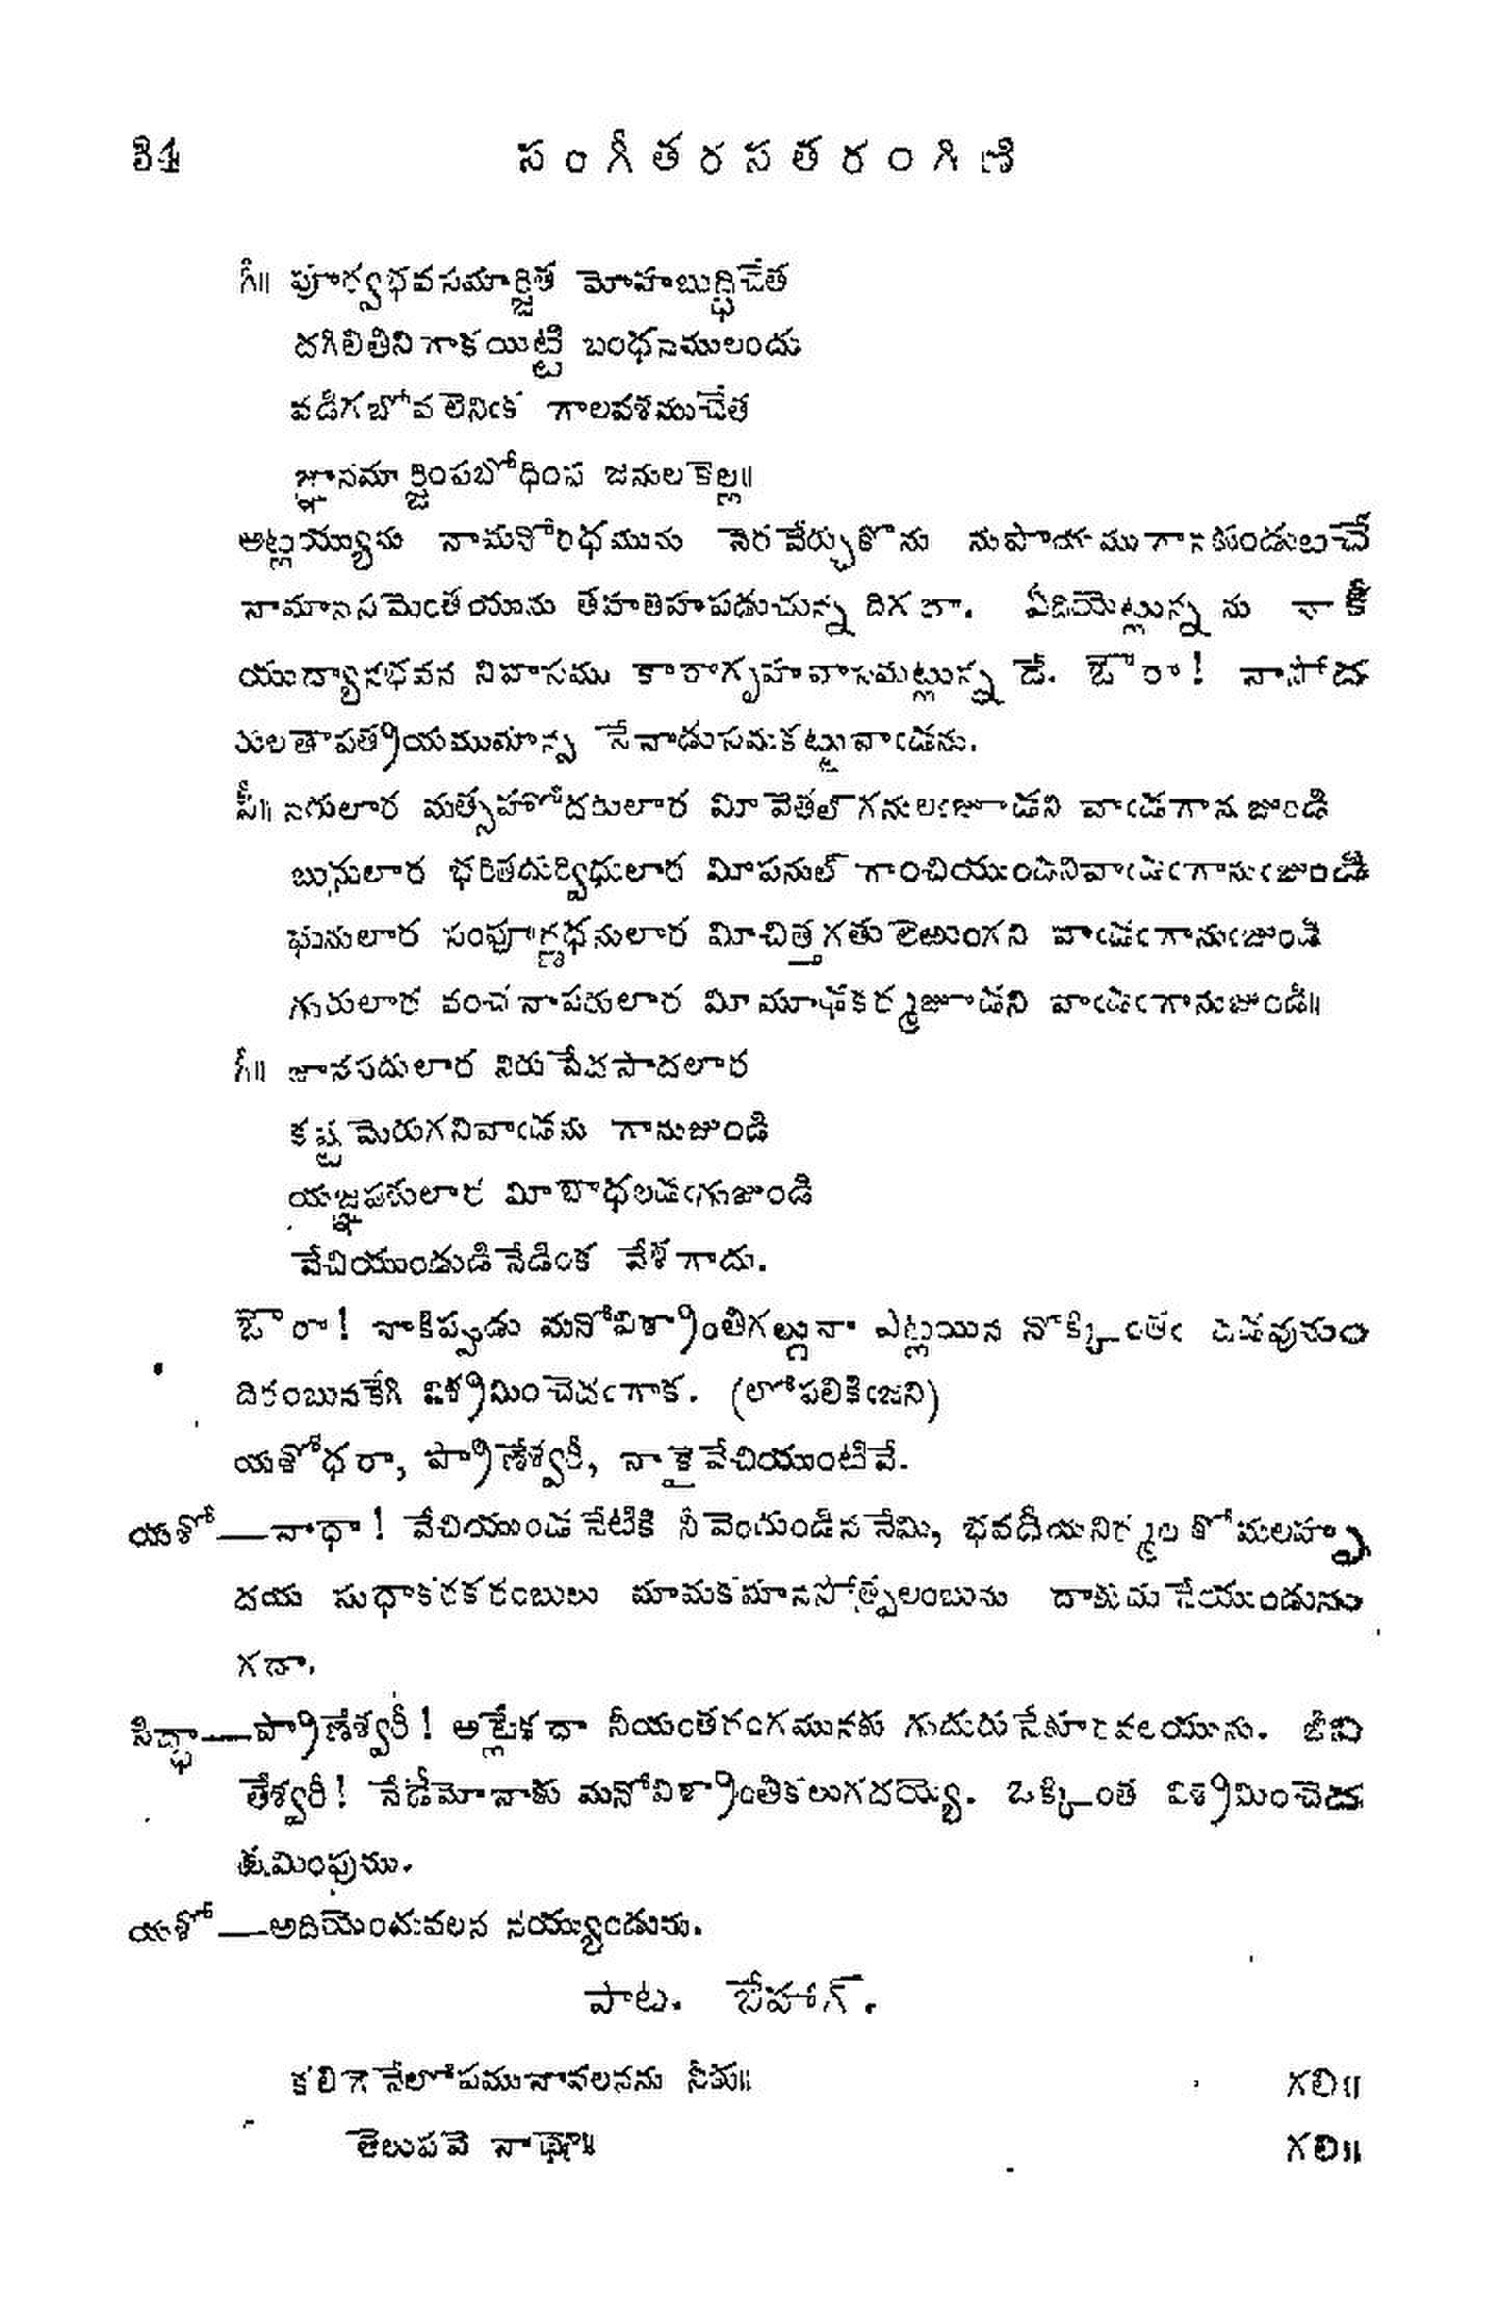గీ॥ పూర్వభవసమాజ్ఞిక మోహబుద్ధిచేత
దగిలితినిగాకయిట్టి బంధనములందు
వడిగబోవలెనిఁక గాలవశముచేత
జ్ఞానమార్జింపబోధింప జనులకెల్ల॥

అట్లయ్యును నామనోరధమును నెరవేర్చుకొను నుపొయముగానకుండుటచే నామానసమెఁతయును తహతహపడుచున్నది గదా. ఏది యెట్లున్నను నాకీయుద్యానభవన నివాసము కారాగృహవాసమట్లున్నదే. ఔరా! నాసోదరులతాపత్రయముమాన్ప సేనాడుసమకట్టువాఁడను.

సీ॥ ఐగులార మత్సహోదరులార మీవెతల్గనులఁజూడని వాఁడగానజుండి
బుధులార భరితదుర్విధులార మీపనుల్ గాంచియుండని వాఁడఁగాసుఁజుండి
ఘనులార సంపూర్ణధనులార మీచిత్తగతులెఱుంగని వాఁడఁగానుఁజుండి
గురులార వంచనాపరులార మీమూఢకర్మజూడని వాడఁగానుజుండి॥ 

గీ॥ జానపదులార నిరుపేదసాదలార
కష్టమెరుగనివాఁడను గానుజుండి
యజ్ఞపపశులార మీబాధలడఁగుజుండి
వేచియుండుడి నేడింక వేళగాదు. 

ఔరా! నాకిప్పుడు మనోవిశ్రాంతిగల్గునా ఎట్లయిన నొక్కింతఁ జడవునుందిరంబునకేగి విశ్రమించెదఁగాక. (లోపలికిఁజని)
యశోధరా, ప్రాణేశ్వరీ, నాకైవేచియుంటివే.

యశో— నాధా! వేచియుండనేటికి నీవెందుండిననేమి, భవదీయనిర్మల కోమలహృదయ సుధాకరకరంబులు దూమకమానసోత్ఫలంబును దాకుచునేయుండును గదా. 

సిద్ధా - ప్రాణేశ్వరీ! ఆట్లేకదా నీయంతరంగమునకుగుదురుసేకూరవలయును. జీవితేశ్వరీ! నేడీమోనాకు మనోవిశ్రాంతికలుగదయ్యె. ఒక్కింత విశ్రమించేద క్షమింపుము. 

యశో - అదియెందువలన నయ్యుండును.

కలిగెనేలోపమునావలనను నీకు॥ ॥గలి॥ 
తెలుపవే నాధా! ॥గలి॥